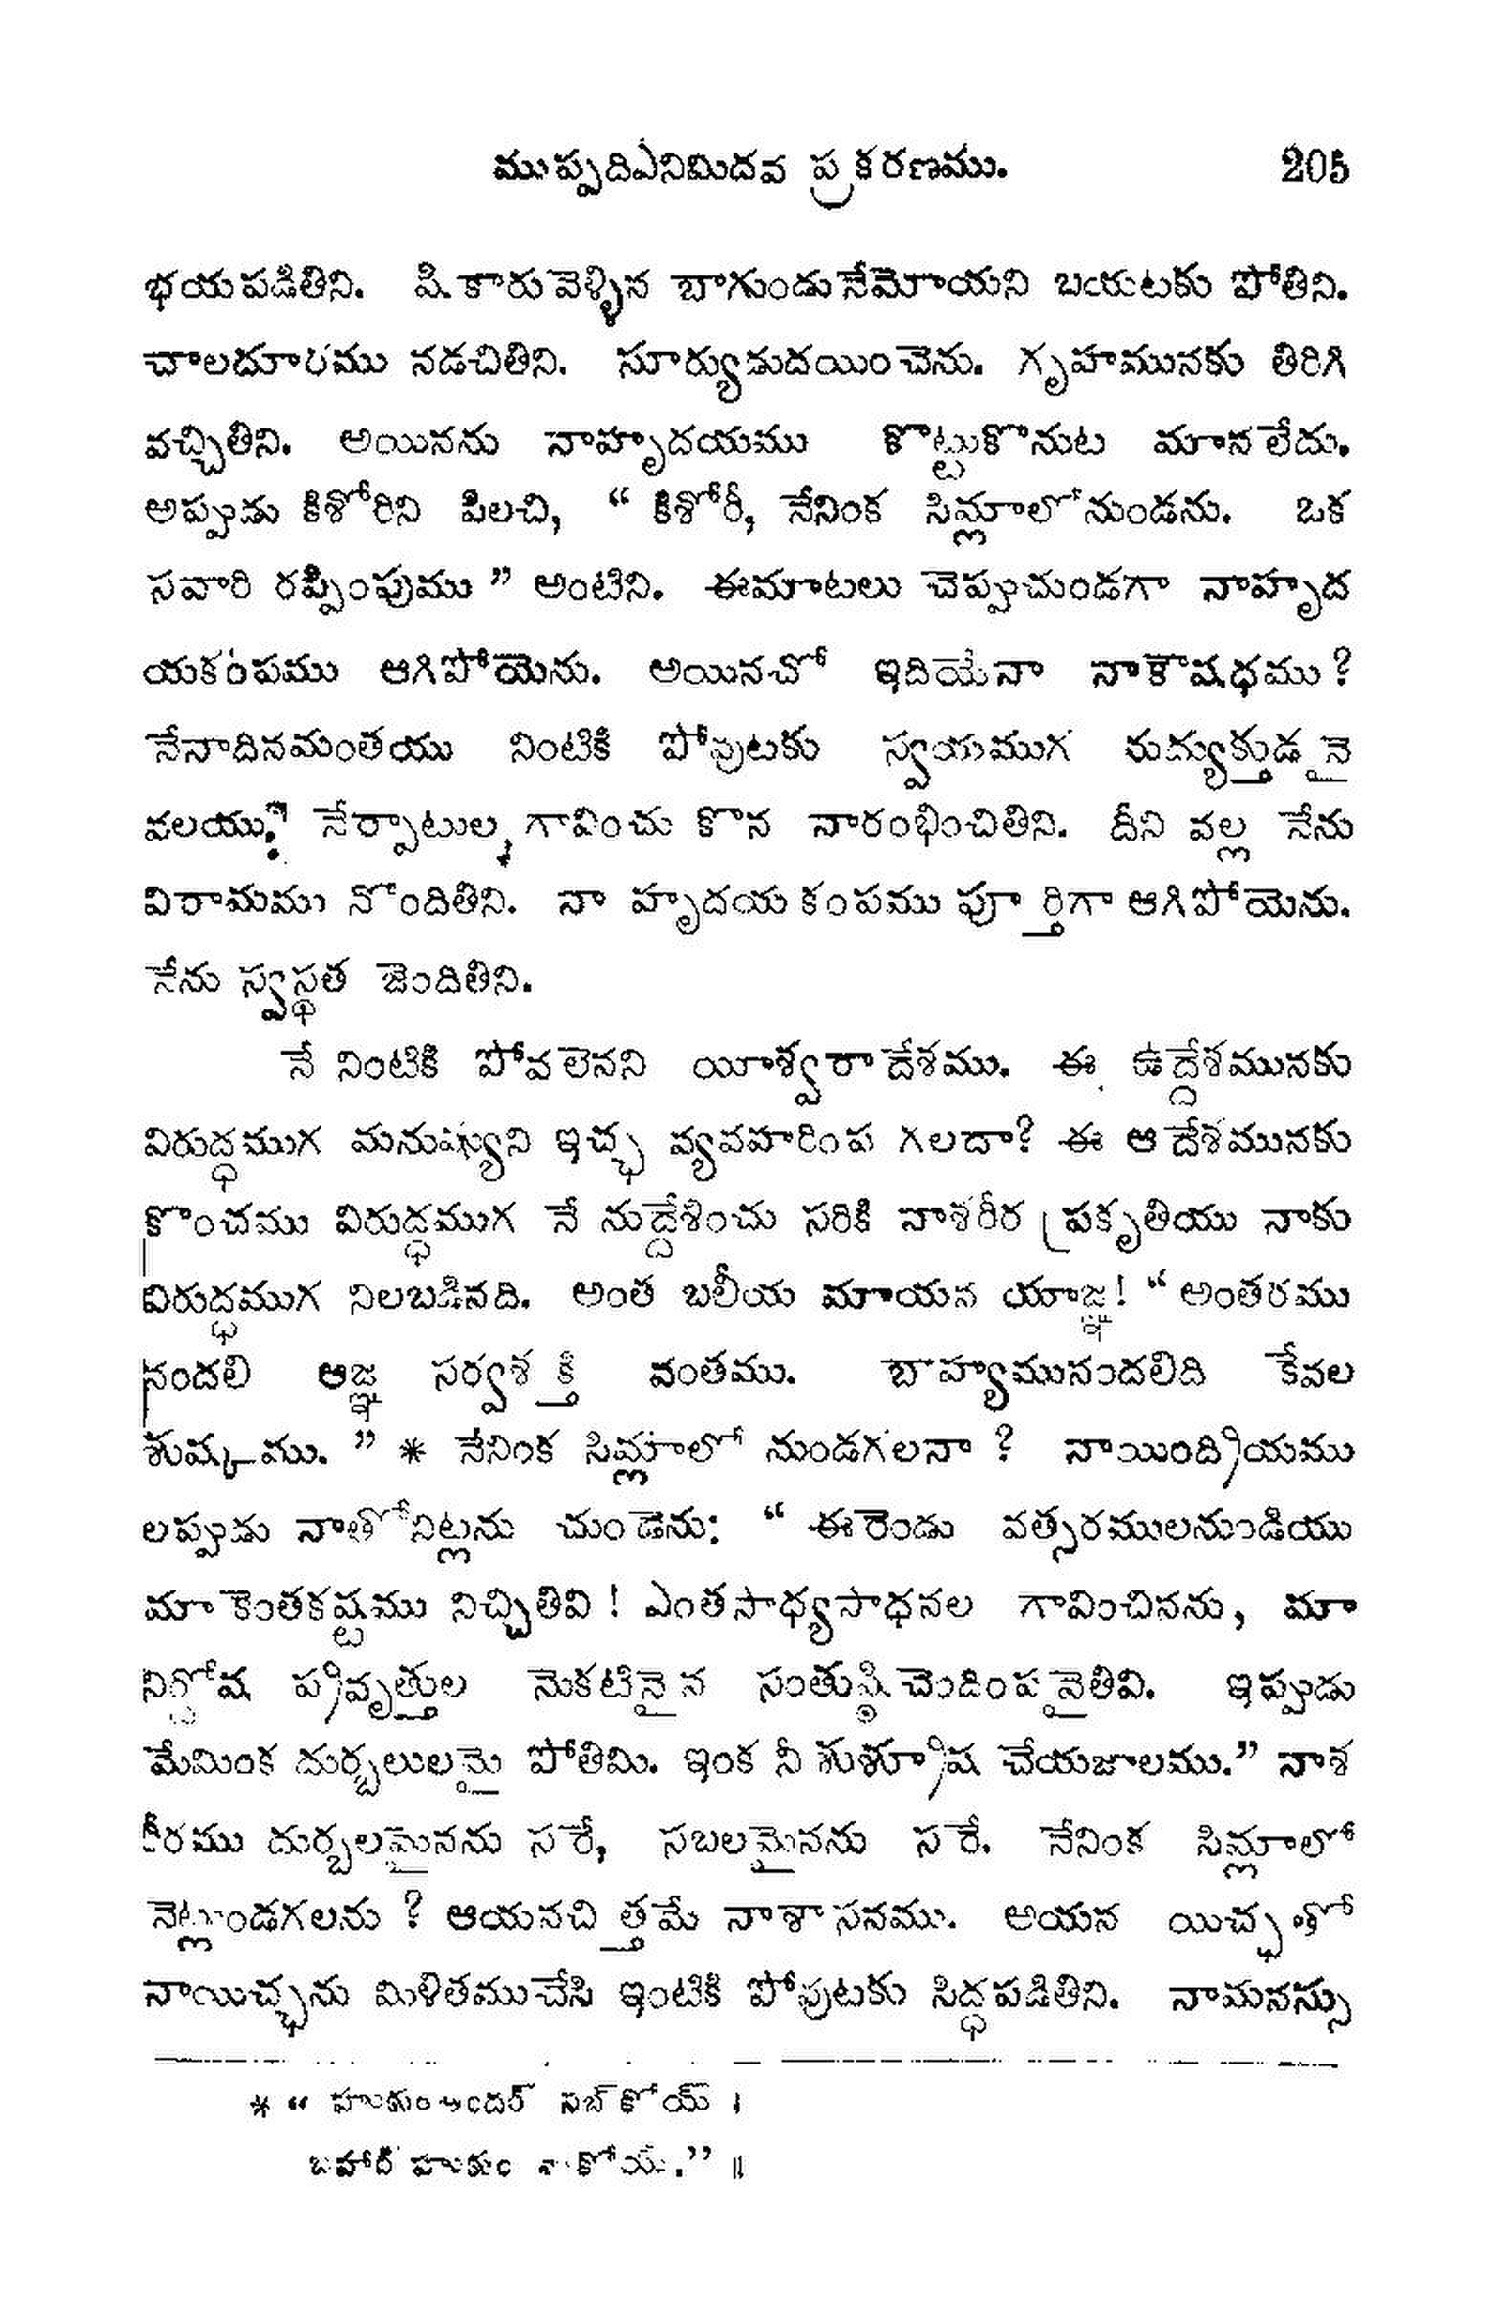-

భయపడితిని. షికారు వెళ్ళిన బాగుండు నేమోయని బయటకు పోతిని.
చాలదూరము నడచితిని. సూర్యుడు దయిం చెను. గృహమునకు తిరిగి
వచ్చితిని. అయినను నాహృదయము కొట్టుకొనుట మానలేదు,
అప్పుడు కిశోరిని పిలచి, కిశోరీ, నేనింక సిమ్లాలో నుండను.
సవారి రప్పింపుము ” అంటిని. ఈమాటలు చెప్పుచుండగా నాహృద
యకంపము ఆగిపోయెను. అయినచో ఇదియేనా నాకౌషధము?
నేనాదినమంతయు నింటికీ పోవుటకు స్వయముగ నుద్యుక్తుడ నై
వలయు. నేర్పాటుల గావించు కొన నారంభించితిని. దీని వల్ల
విరామము నొందితిని. నా హృదయ కంపము పూర్తిగా ఆగిపోయెను,
నేను స్వస్థత జెందితిని.

నే నింటికి పోవలెనని యీశ్వరా దేశము. ఈ ఉద్దేశమునకు
విరుద్ధముగ మనుష్యని ఇచ్ఛ వ్యవహరింప గలదా? ఈ ఆ దేశమునకు
కొంచము విరుద్ధముగ నుద్దేశించు సరికి నాశరీర ప్రకృతియు నాకు
విరుద్దముగ నిలబడినది. అంత బలీయ మాయన యాజ్ఞ ! " అంతరము
నందలి ఆ సర్వశక్తి వంతము. బాహ్యము నందలిది కేవలశుష్కము. " * 
నేనింక సిమ్లాలో నుండగలనా ? నాయింద్రియములప్పుడు నాతో నిట్లను 
చుండెను: ఈ రెండు వత్సరములనుండియుమా కెంతకష్టము నిచ్చితివి ! 
ఎంత సాధ్యసాధనల గావించినను, మానీర్ఘోష ప్రవృత్తుల ఒకటినైన 
సంతుష్టి చెదింప నైతివి. ఇప్పుడు మేమింక దుర్బలులమై పోతిమి. 
ఇంక నీశుశ్రూష చేయజాలము.” నాశరీరము దుర్బలమునను సరే, 
సబలమైనను సరే. నేనింక సిమ్లాలో నెట్లండగలను ? ఆయన చిత్తమే 
నాశాసనము. ఆయన యిచ్ఛతోనాయిచ్ఛను మిళితము చేసి 
ఇంటికి పోవుటకు సిద్ధపడితిని. నామనస్సు

--

 *